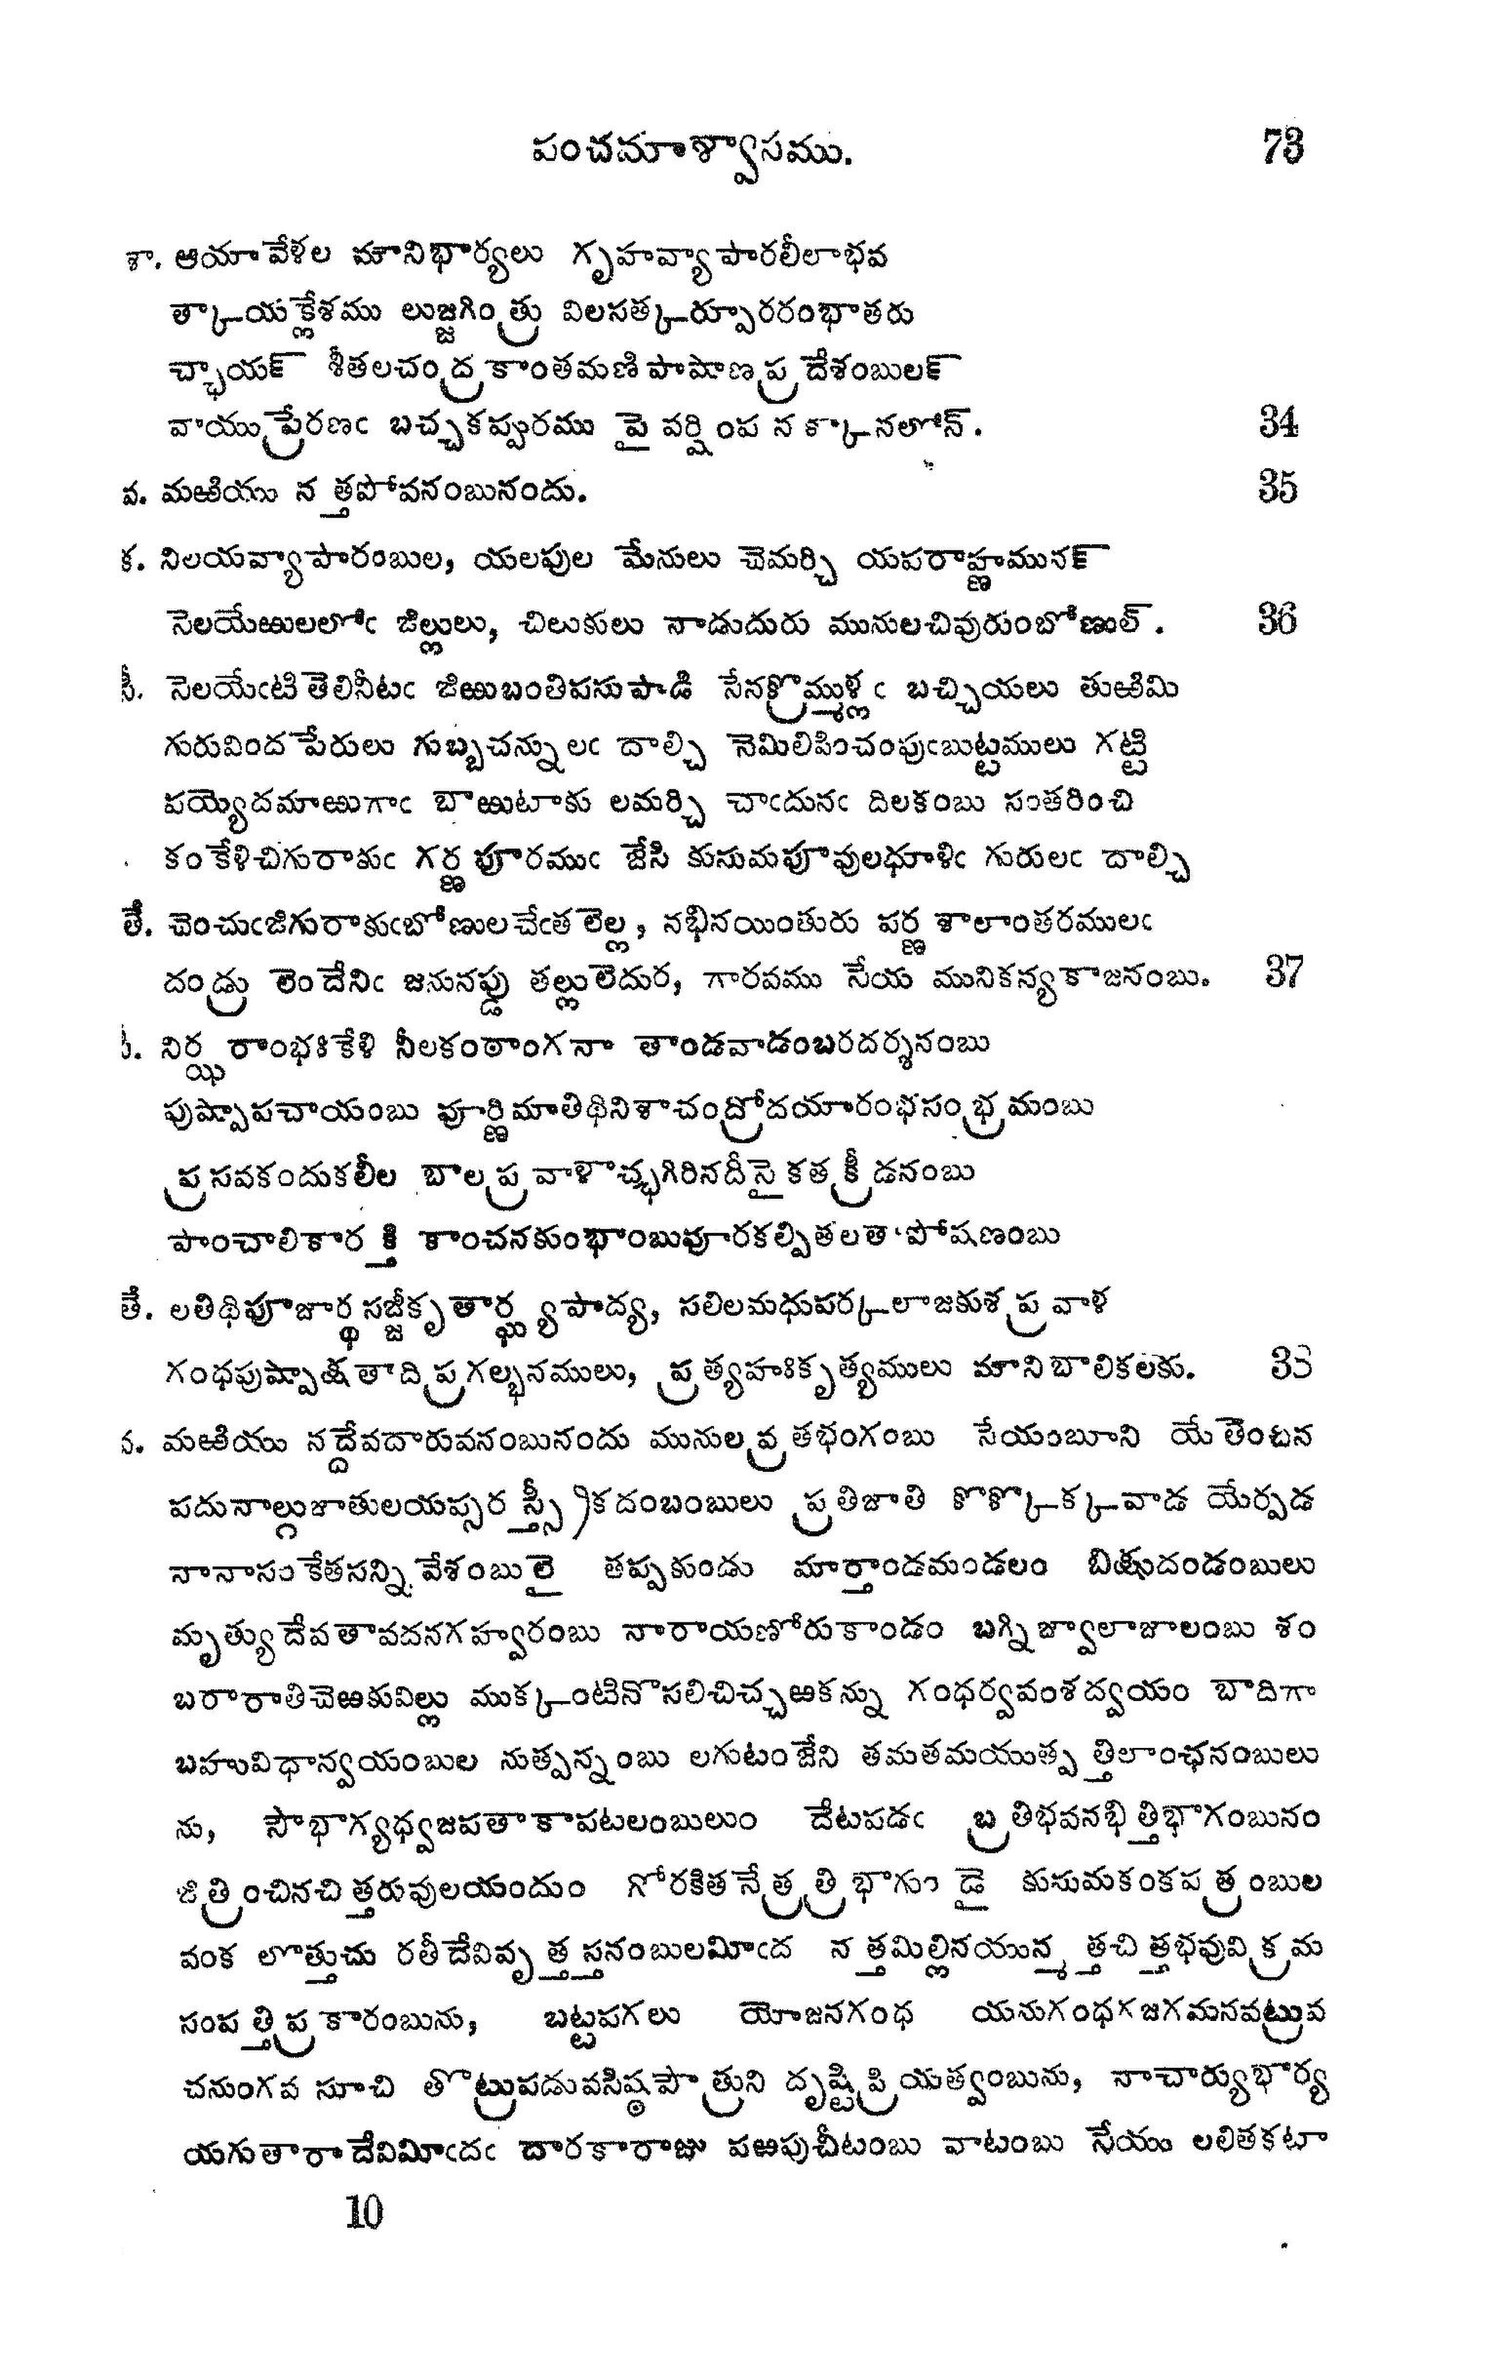శా. ఆయావేళల మౌనిభార్యలు గృహవ్యాపారలీలాభవ
త్కాయక్లేశము లుజ్జగింత్రు విలసత్కర్పూరరంభాతరు
చ్ఛాయన్ శీతలచంద్రకాంతమణిపాషాణప్రదేశంబులన్
వాయుప్రేరణఁ బచ్చకప్పురముపై వర్షింప నక్కానలోన్. 34

వ. మఱియు నత్తపోవనంబునందు. 35

క. నిలయవ్యాపారంబుల, యలపుల మేనులు చెమర్చి యపరాహ్ణమునన్
సెలయేఱులలోఁ జిల్లులు, చిలుకులు నాడుదురు మునులచివురుంబోణుల్. 36

సీ. సెలయేఁటితెలినీటఁ జిఱుబంతిపసుపాడి సేనక్రొమ్ముళ్లఁ బచ్చియలు తుఱిమి
గురువిందపేరులు గుబ్బచన్నులఁ దాల్చి నెమిలిపించంపుఁబుట్టములు గట్టి
పయ్యెదమాఱుగాఁ బాఱుటాకు లమర్చి చాదునఁ దిలకంబు సంతరించి
కంకేళిచిగురాకుఁ గర్లపూరముఁ జేసి కుసుమపూవులధూళిఁ గురులఁ దాల్చి
తే. చెంచుఁజిగురాకుఁబోణులచేత లెల్ల , నభినయింతురు పర్లశాలాంతరములఁ
దండ్రు లెందేనిఁ జనునప్డు తల్లులెదుర, గారవము సేయ మునికన్యకాజనంబు. 37

సీ. నిర్ఝరాంభఃకేళి నీలకంఠాంగనా తాండవాడంబరదర్శనంబు
పుష్పాపచాయంబు పూర్ణిమాతిథినిశాచంద్రోదయారంభసంభ్రమంబు
ప్రసవకందుకలీల బాలప్రవాళాచ్ఛగిరినదీసైకతక్రీడనంబు
పాంచాలికారక్తి కాంచనకుంభాంబుపూరకల్పితలతాపోషణంబు
తే. లతిథిపూజార్థసజ్జీకృతార్ఘ్యపాద్య, సలిలమధుపర్కలాజకుశప్రవాళ
గంధపుష్పాక్షతాదిప్రగల్భనములు, ప్రత్యహఃకృత్యములు మౌనిబాలికలకు. 33

వ. మఱియు నద్దేవదారువనంబునందు మునులవ్రతభంగంబు సేయంబూని యేతెంచిన పదునాల్గుజాతులయప్సరస్స్త్రీకదంబంబులు ప్రతిజాతి కొక్కొక్కవాడ యేర్పడ నానాసంకేశసన్నివేశంబులై తప్పకుండు మార్తాండమండలం బిక్షుదండంబులు మృత్యుదేవతావదనగహ్వరంబు నారాయణోరుకాండం బగ్నిజ్వాలాజాలంబు శంబరారాతిచెఱకువిల్లు ముక్కంటినొసలిచిచ్చఱకన్ను గంధర్వవంశద్వయం బాదిగా బహువిధాన్వయంబుల నుత్పన్నంబు లగుటం జేసి తమతమయుత్పత్తిలాంఛనంబులును, సౌభాగ్యధ్వజపతాకాపటలంబులుం దేటపడఁ బ్రతిభవనభిత్తిభాగంబునం జిత్రించిన చిత్తరువులయందుం గోరకితనేత్రత్రిభాగుండై కుసుమకంకపత్రంబుల వంక లొత్తుచు రతీదేవివృత్తస్తనంబులమీఁద నత్తమిల్లినయున్మత్తచిత్తభవువిక్రమసంపత్తిప్రకారంబును, బట్టపగలు యోజనగంధ యనుగంధగజగమనవట్రువచనుంగవ సూచి తొట్రుపడు వసిష్ఠపౌత్రుని దృష్టిప్రియత్వంబును, నాచార్యుభార్య యగుతారాదేవిమీఁదఁ దారకారాజు పఱపుచీటంబు వాటంబు సేయు లలితకటా